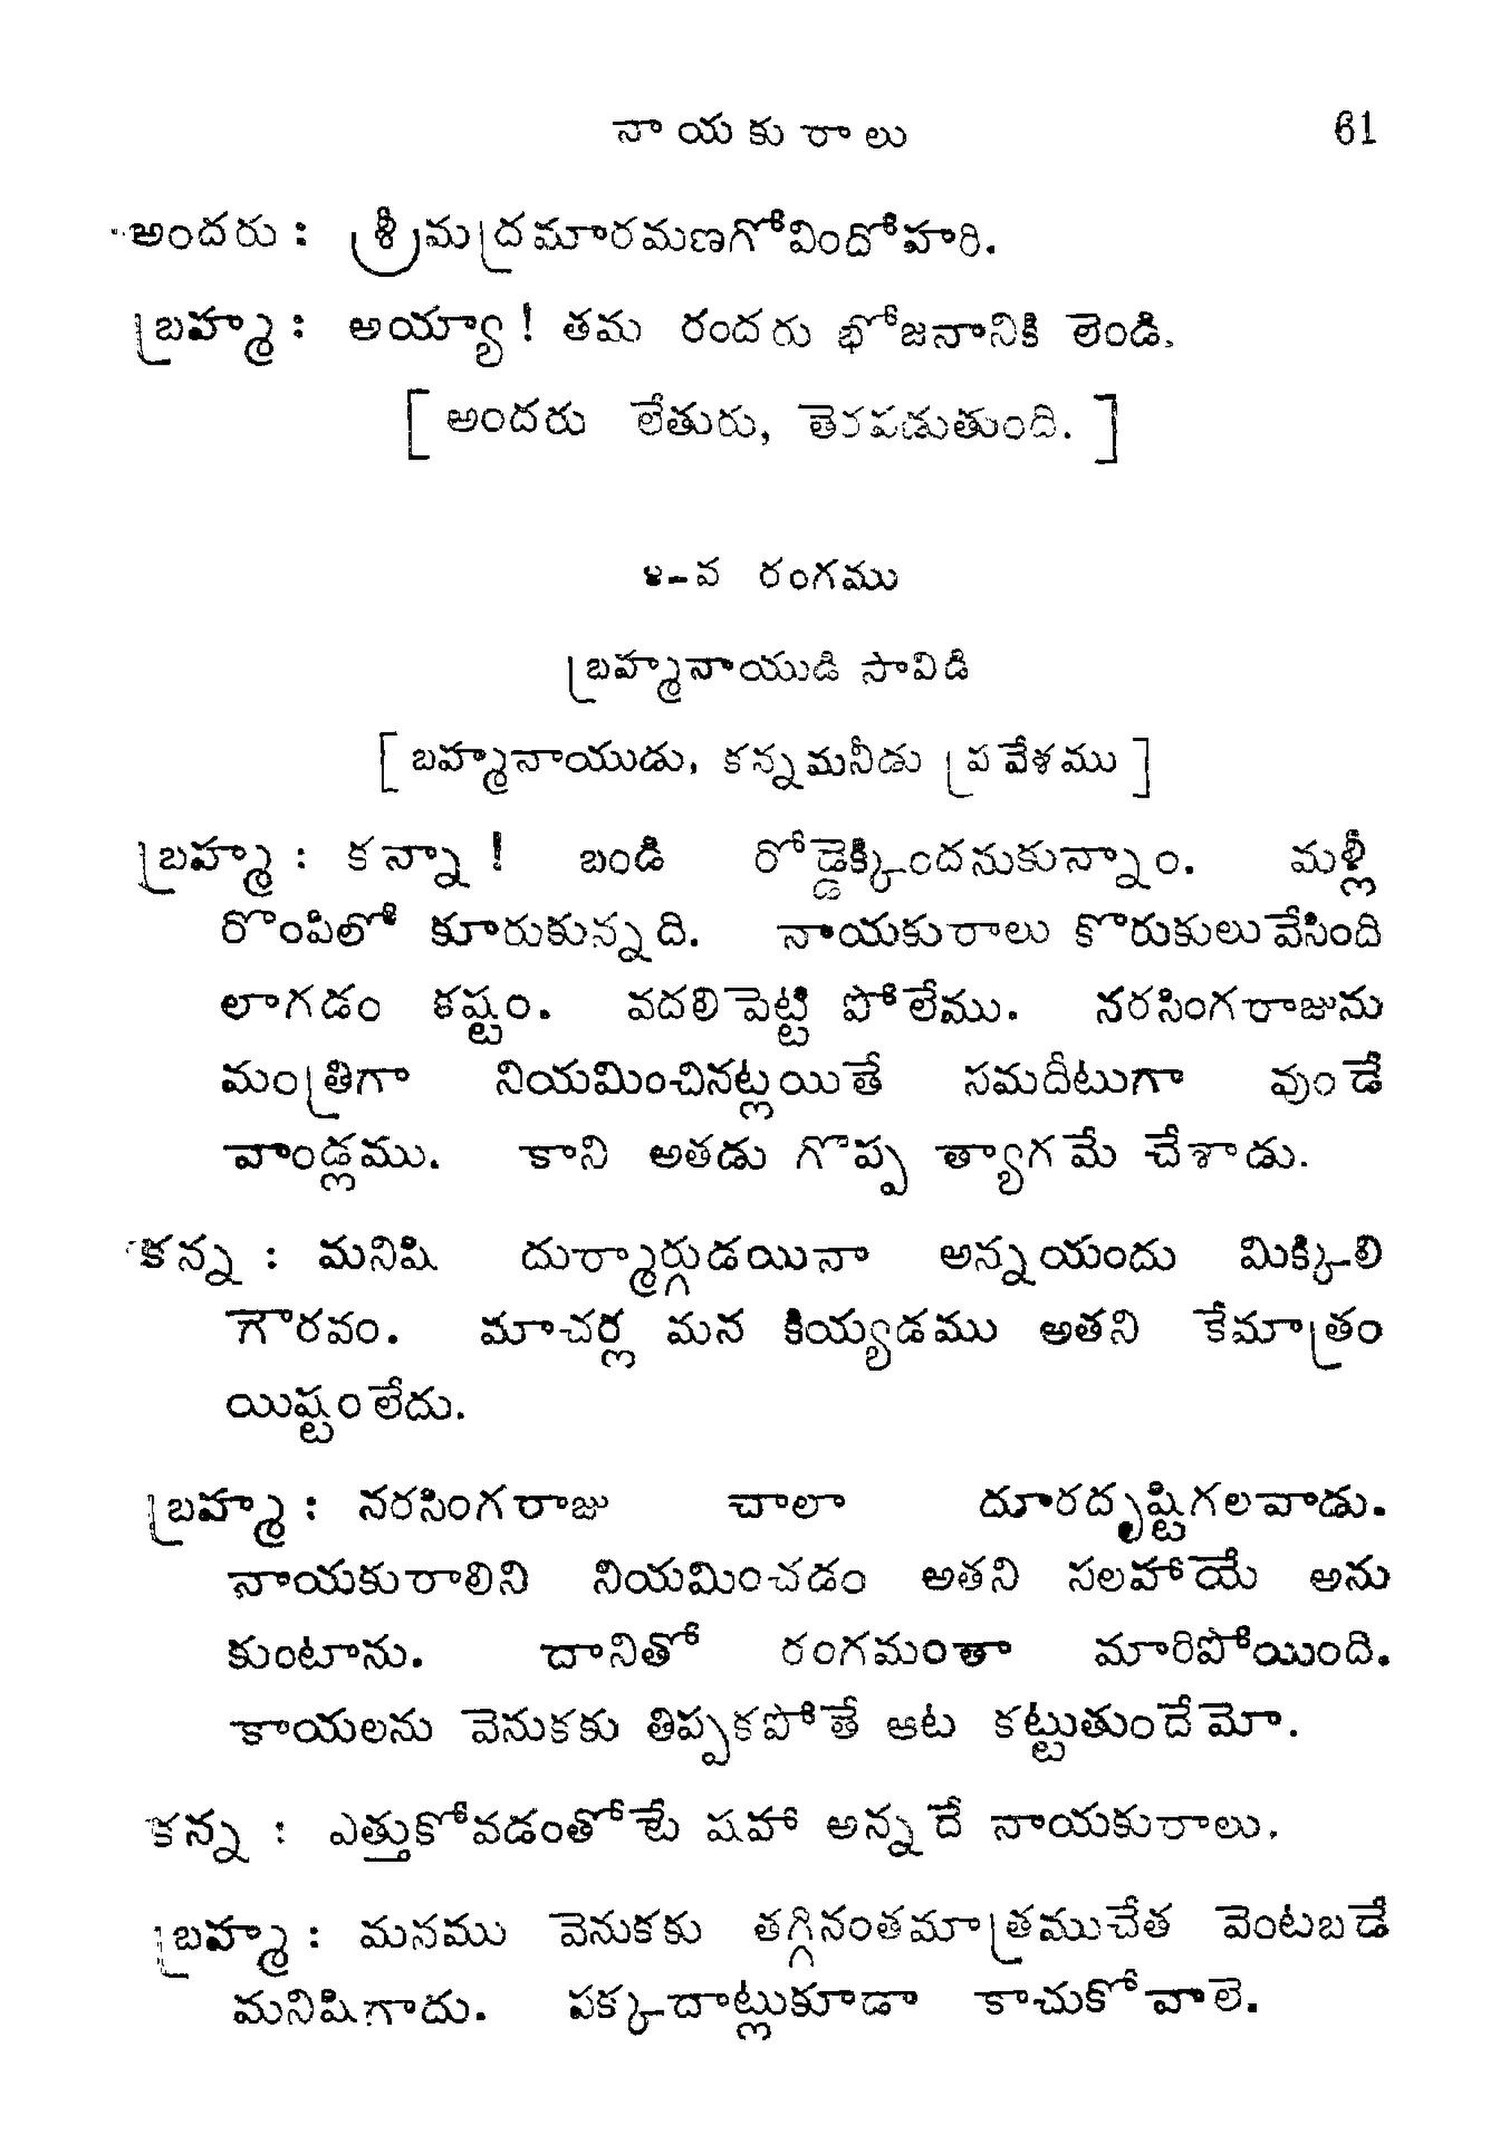అందరు : శ్రీమద్రమారమణగోవిందోహరి.

బ్రహ్మ: అయ్యా ! తమ రందరు భోజనానికి లెండి,

బ్రహ్మ : కన్నా ! బండి రోడ్డెక్కిందనుకున్నాం. మళ్లీ రొంపిలో కూరుకున్నది. నాయకురాలు కొరుకులు వేసింది లాగడం కష్టం. వదలిపెట్టి పోలేము. నరసింగరాజును మంత్రిగా నియమించినట్లయితే సమదీటుగా వుండే వాండ్లము. కాని అతడు గొప్ప త్యాగమే చేశాడు.

కన్న : మనిషి దుర్మార్గుడయినా అన్నయందు మిక్కిలి గౌరవం. మాచర్ల మన కియ్యడము అతని కేమాత్రం యిష్టంలేదు.

బ్రహ్మ: నరసింగరాజు చాలా దూరదృష్టిగలవాడు. నాయకురాలిని నియమించడం అతని సలహాయే అనుకుంటాను. దానితో రంగమంతా మారిపోయింది. కాయలను వెనుకకు తిప్పకపోతే ఆట కట్టుతుందేమో.

కన్న : ఎత్తుకోవడంతోటే షహా అన్నదే నాయకురాలు.

బ్రహ్మ : మనము వెనుకకు తగ్గినంతమాత్రముచేత వెంటబడే మనిషిగాదు. పక్క దాట్లుకూడా కాచుకోవాలె.